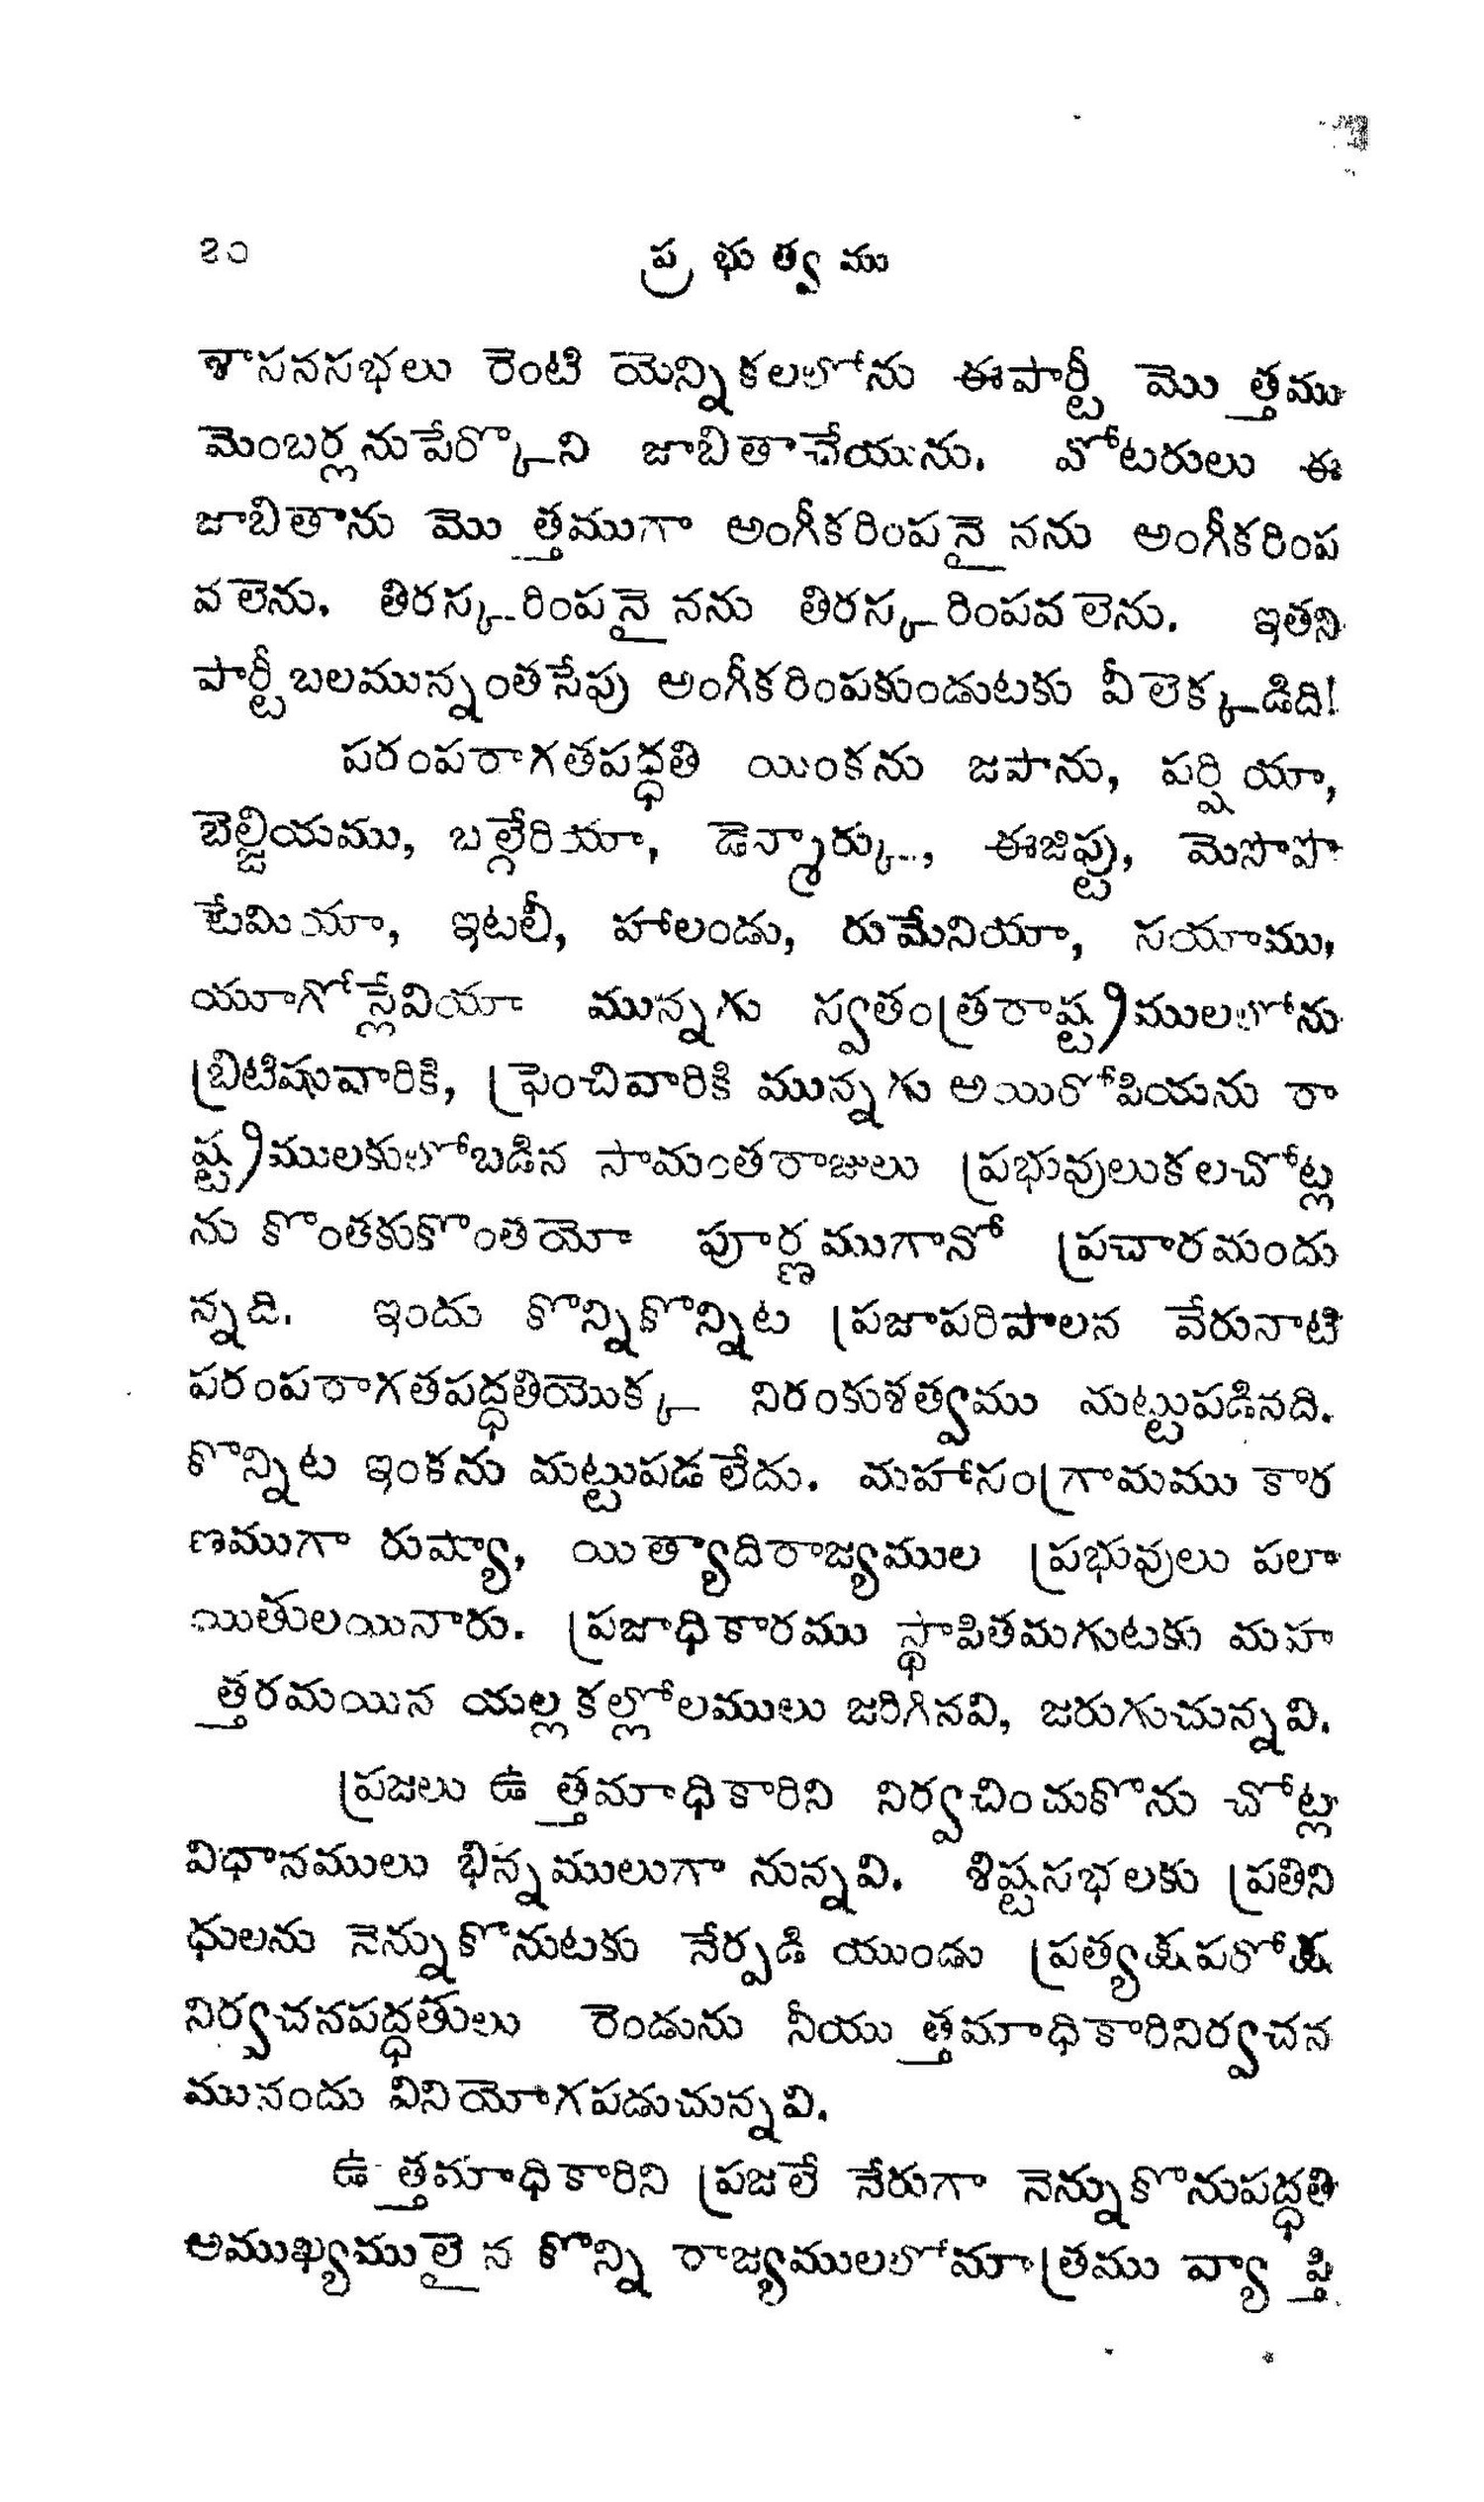శాసనసభలు రెంటి యెన్నికలలోను ఈపార్టీ మొత్తము మెంబర్లనుపేర్కొని జాబితాచేయును. వోటరులు ఈ జాబితాను మొత్తముగా అంగీకరింపనైనను అంగీకరింపవలెను. తిరస్కరింపనైనను తిరస్కరింప వలెను. ఇతని పార్టీ బలమున్నంతసేపు అంగీకరింపకుండుటకు వీలెక్కడిది!

పరంపరాగతపద్ధతి యింకను జపాను, పర్షియా, బెల్జియము, బల్గేరియా, డెన్మార్కు, ఈజిప్టు, మెసొపొటేమియూ, ఇటలీ, హాలండు, రుమేనియా, సయాము, యూగోస్లేవియా మున్నగు స్వతంత్రరాష్ట్రములలోను బ్రిటిషువారికి, ఫ్రెంచివారికి మున్నగు అయిరోపియను రాష్ట్రములకు లోబడిన సామంతరాజులు ప్రభువులుకలచోట్లను కొంతకుకొంతయో పూర్ణముగానో ప్రచారమందున్నది. ఇందు కొన్నికొన్నిట ప్రజాపరిపాలన వేరునాటి పరంపరాగతపద్ధతియొక్క నిరంకుశత్వము మట్టు పడినది. కొన్నిట ఇంకను మట్టుపడలేదు. మహాసంగ్రామము కారణముగా రుష్యా, యిత్యాది రాజ్యముల ప్రభువులు పలాయితులయినారు. ప్రజాధికారము స్థాపితమగుటకు మహత్తరమయిన యల్లకల్లోలములు జరిగినవి, జరుగుచున్నవి.

ప్రజలు ఉత్తమాధికారిని నిర్వచించుకొను చోట్ల విధానములు భిన్నములుగా నున్నవి. శిష్టసభలకు ప్రతినిధులను నెన్నుకొనుటకు నేర్పడి యుండు ప్రత్యక్షపరోక్ష నిర్వచనపద్ధతులు రెండును నీయుత్తమాధికారినిర్వచనమునందు వినియోగపడుచున్నవి,

ఉత్తమాధికారిని ప్రజలే నేరుగా నెన్నుకొనుపద్ధతి అముఖ్యములైన కొన్ని రాజ్యములలోమాత్రము వ్యాప్తి